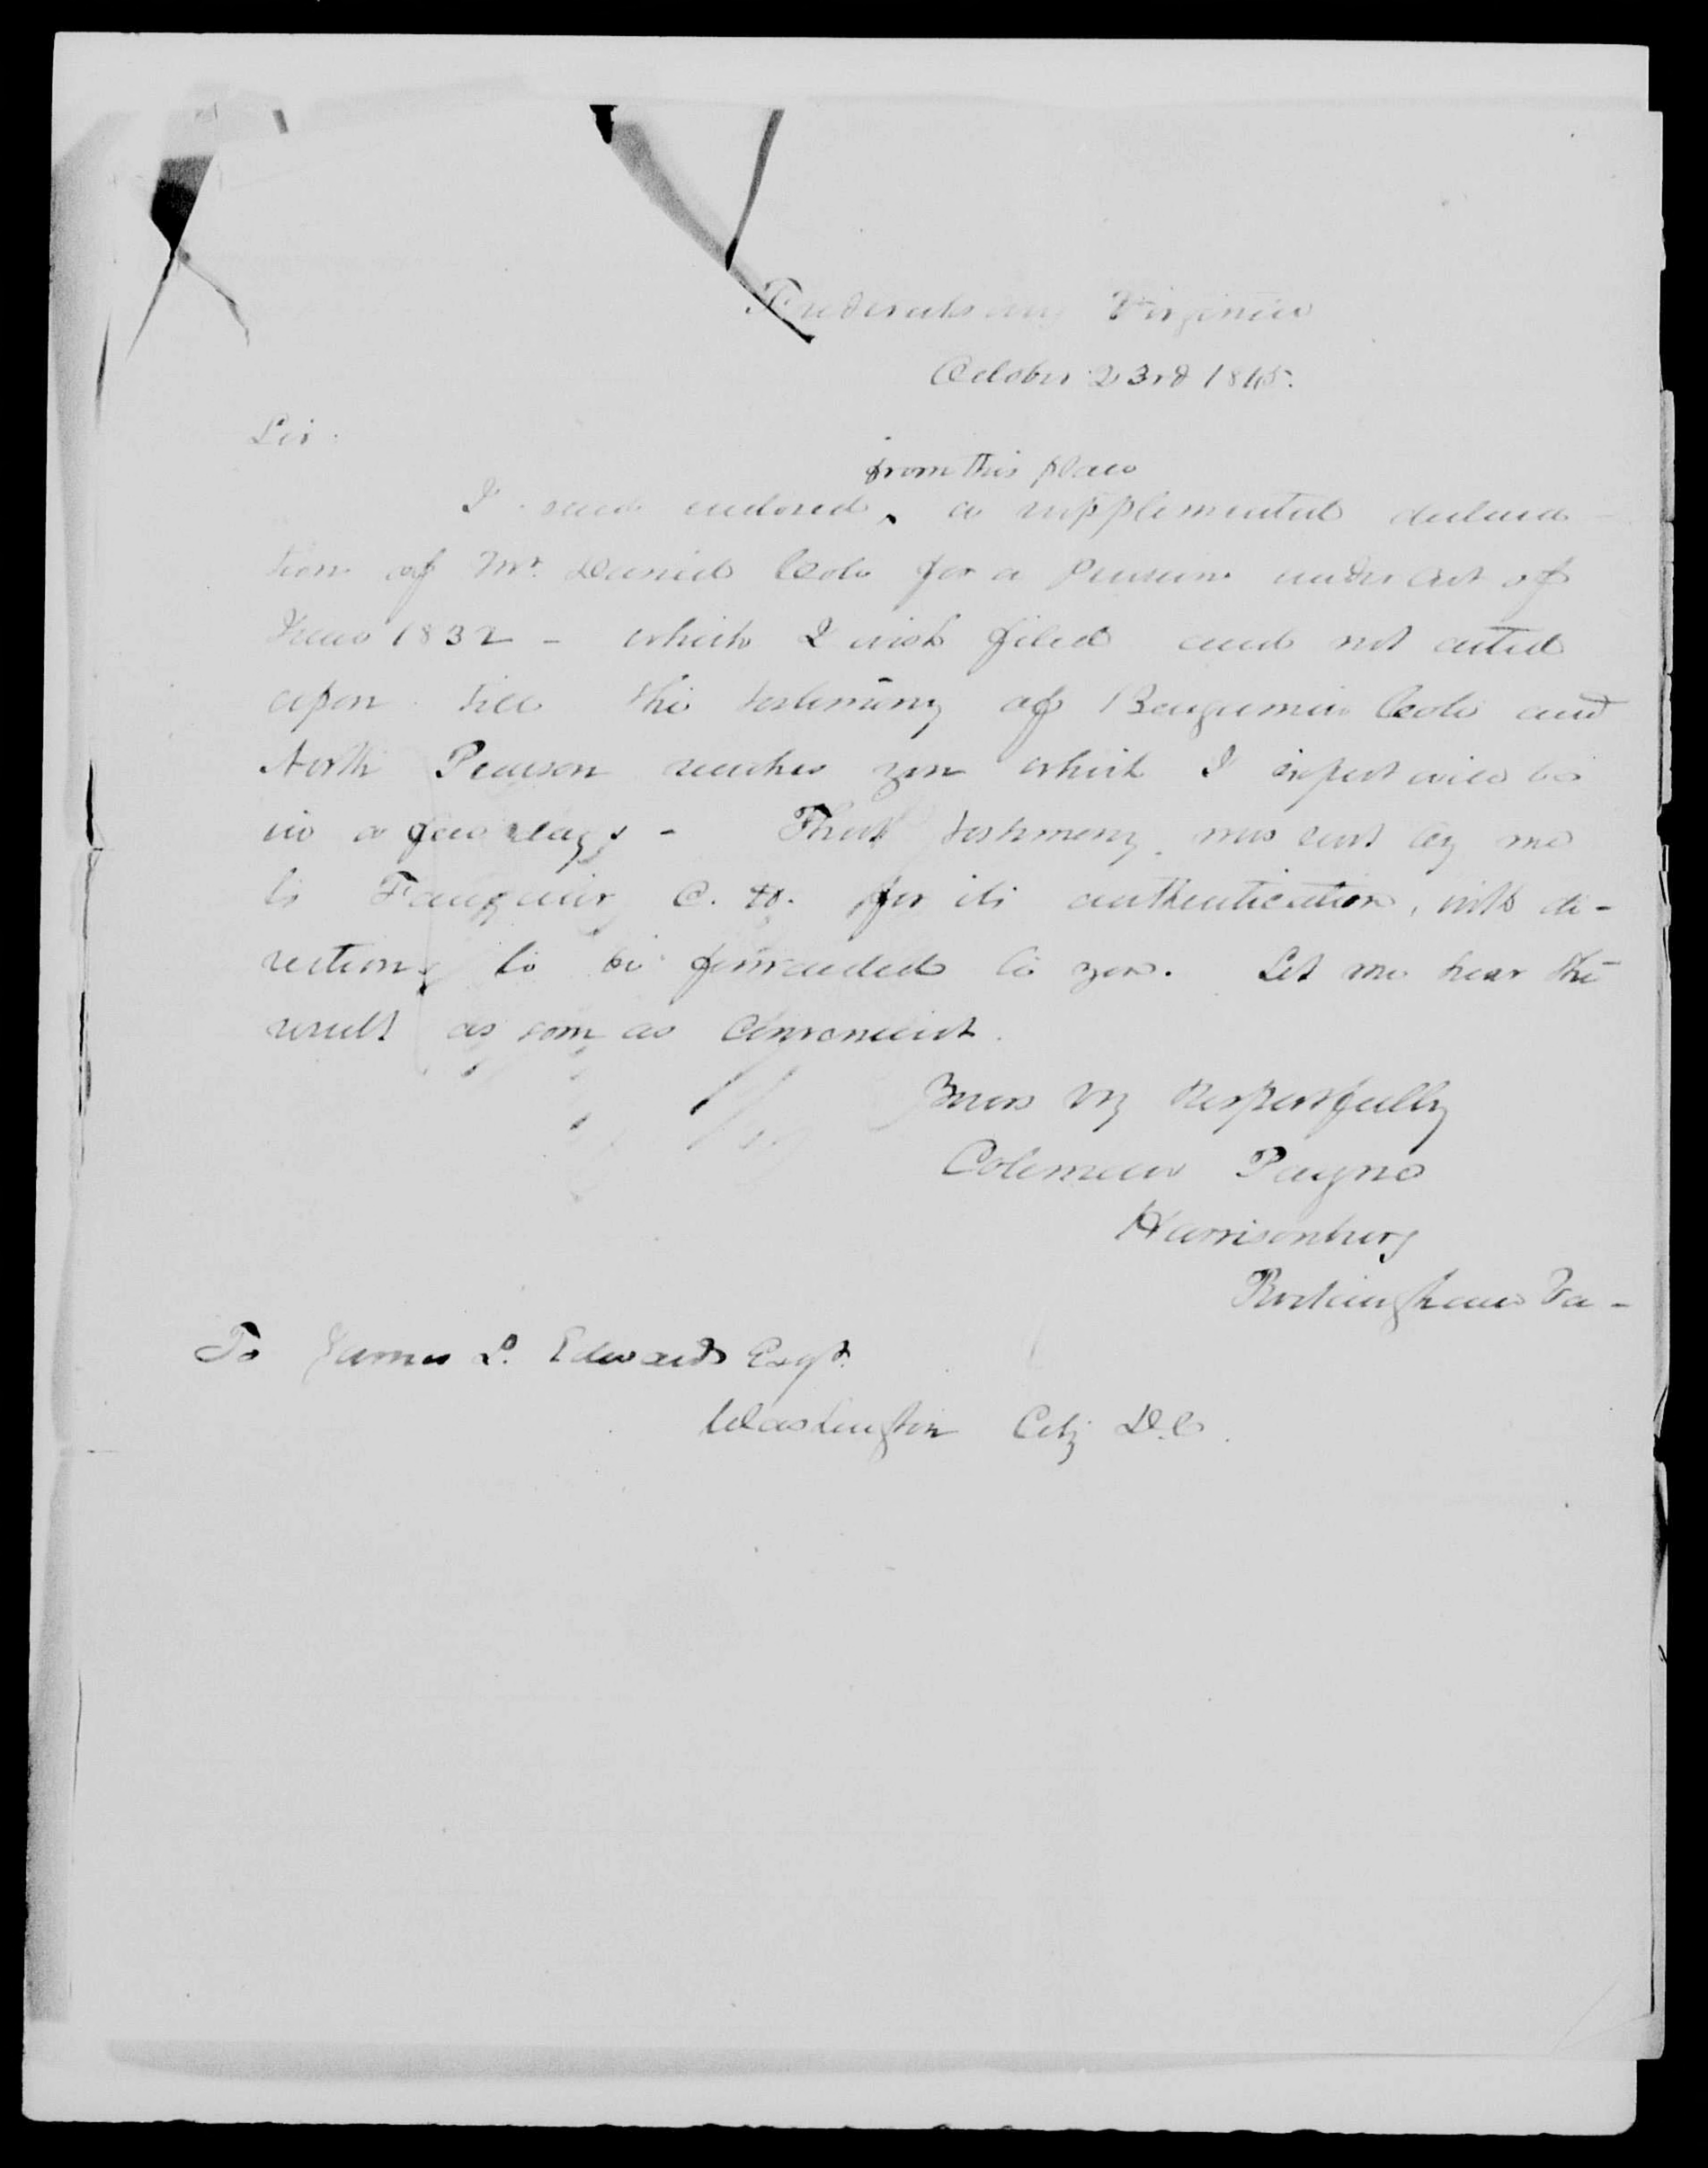October 23rd 1845.

Sir

I have enclosed from this place a supplemental declaration of Mr Daniel Cole for a Pension under act of June 1832 - which I wish filed and not acted upon till the testimony of Benjamin Cole and North Pearson reaches you which I expect will be in a few days
That testimony was sent by me to Fauquier C.H. [Court House] for its authentication, with direction to be forwarded to you. Let me hear the result as soon as convenient
Yours very Respectfully
Coleman Payne
Harrisonburg 
Rockingham Va

To James S. Edwards Esqr
Washington City D.C.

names: Coleman Payne, North Pearson, James L Edwards, Daniel Cole, Benjamin Cole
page: 36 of 61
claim: survivor's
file: S. 8236, Daniel Cole, Va.